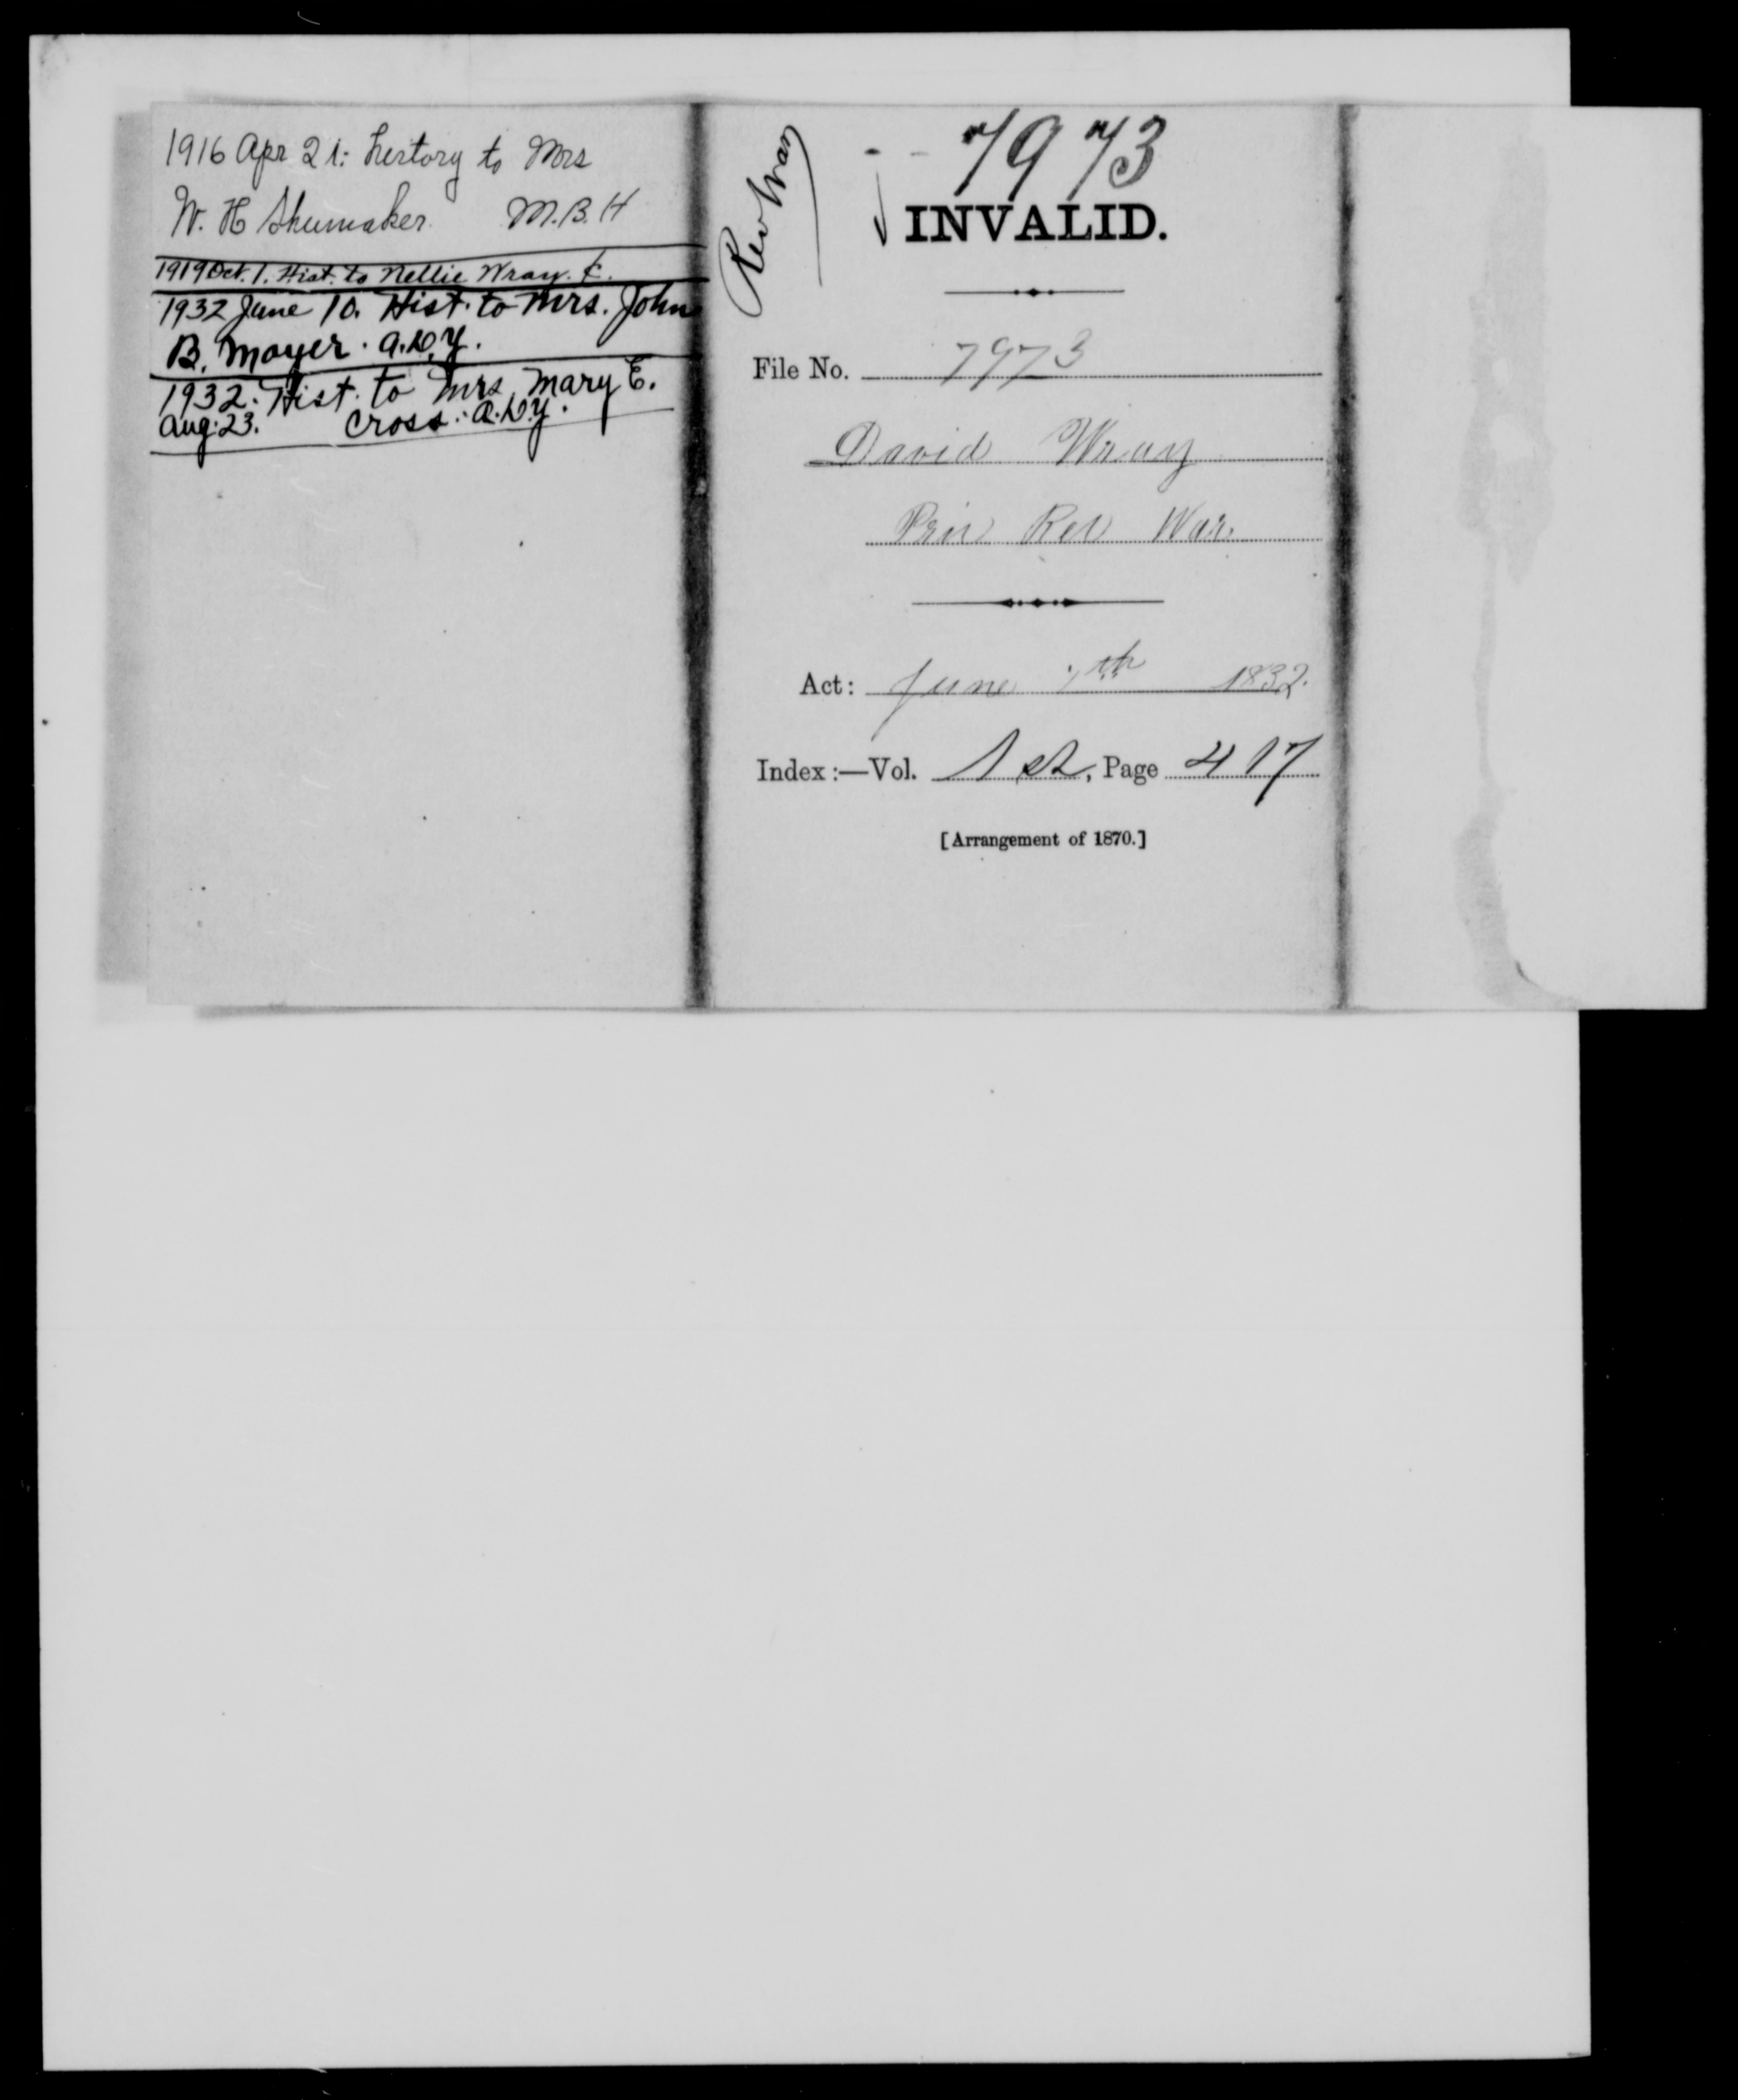[On the left side of the page.]
1916 Apr 21: history to Mrs
W.H. Shumaker       M.B.H
1919 Oct.1.  Hist. to Nellie Wray. c
1932 June 10. Hist. to Mrs. John
B. Mayer. A.D.Y.
1932. Hist. to Mrs Mary E.
Aug 23.       Cross.  A.D.Y.

[On the right side of the page.]
[Perpendicular to the page.]   Revlnary
-7973
INVALID.

File Mp 7973
David Wray
Priv. Rev war

Act: June 7th 1832.
Index:- Vol. Asl. Page 417
[Arrangement of 1870.]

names: John B Moyer, David Wray, Nellie Wray, W H Shumaker, Mary E Cross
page: 9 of 19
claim: survivor's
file: S. 7,973, David Wray, Va.